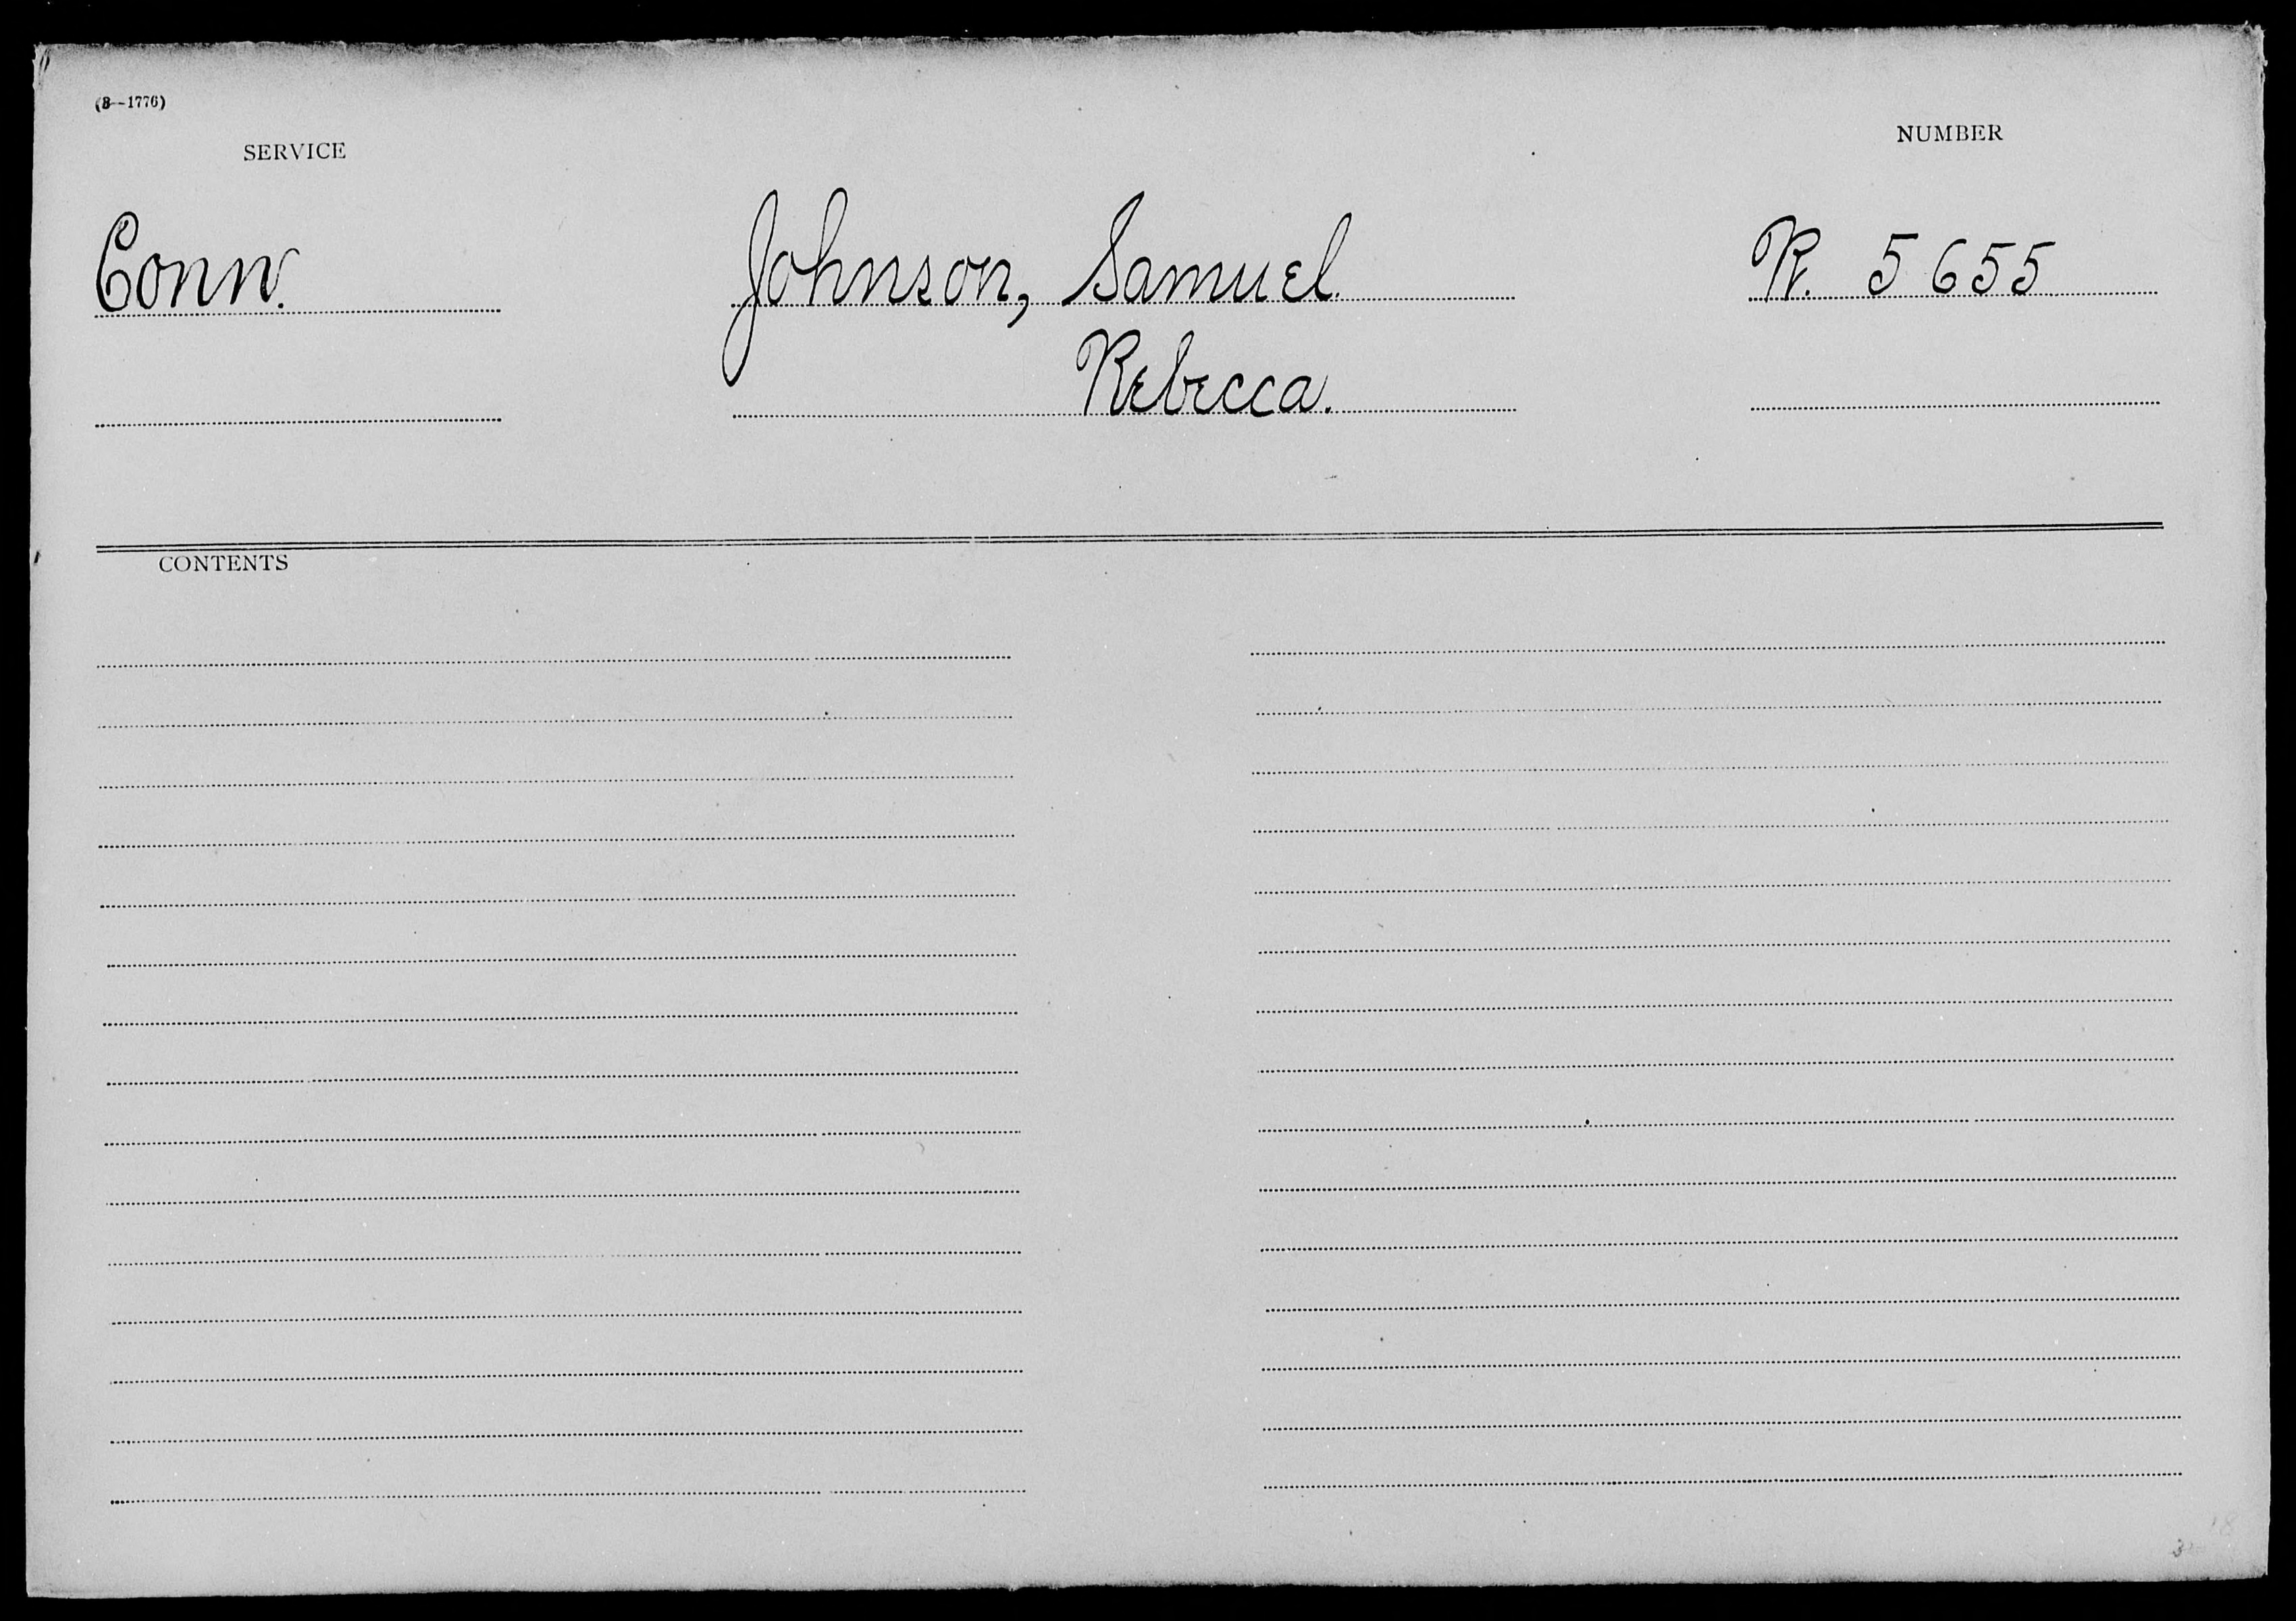(3-1776)

SERVICE
Conn.

Johnson, Samuel
Rebecca

NUMBER
R. 5655

CONTENTS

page: 1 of 43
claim: rejected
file: R. 5655, for Samuel Johnson, Connecticut